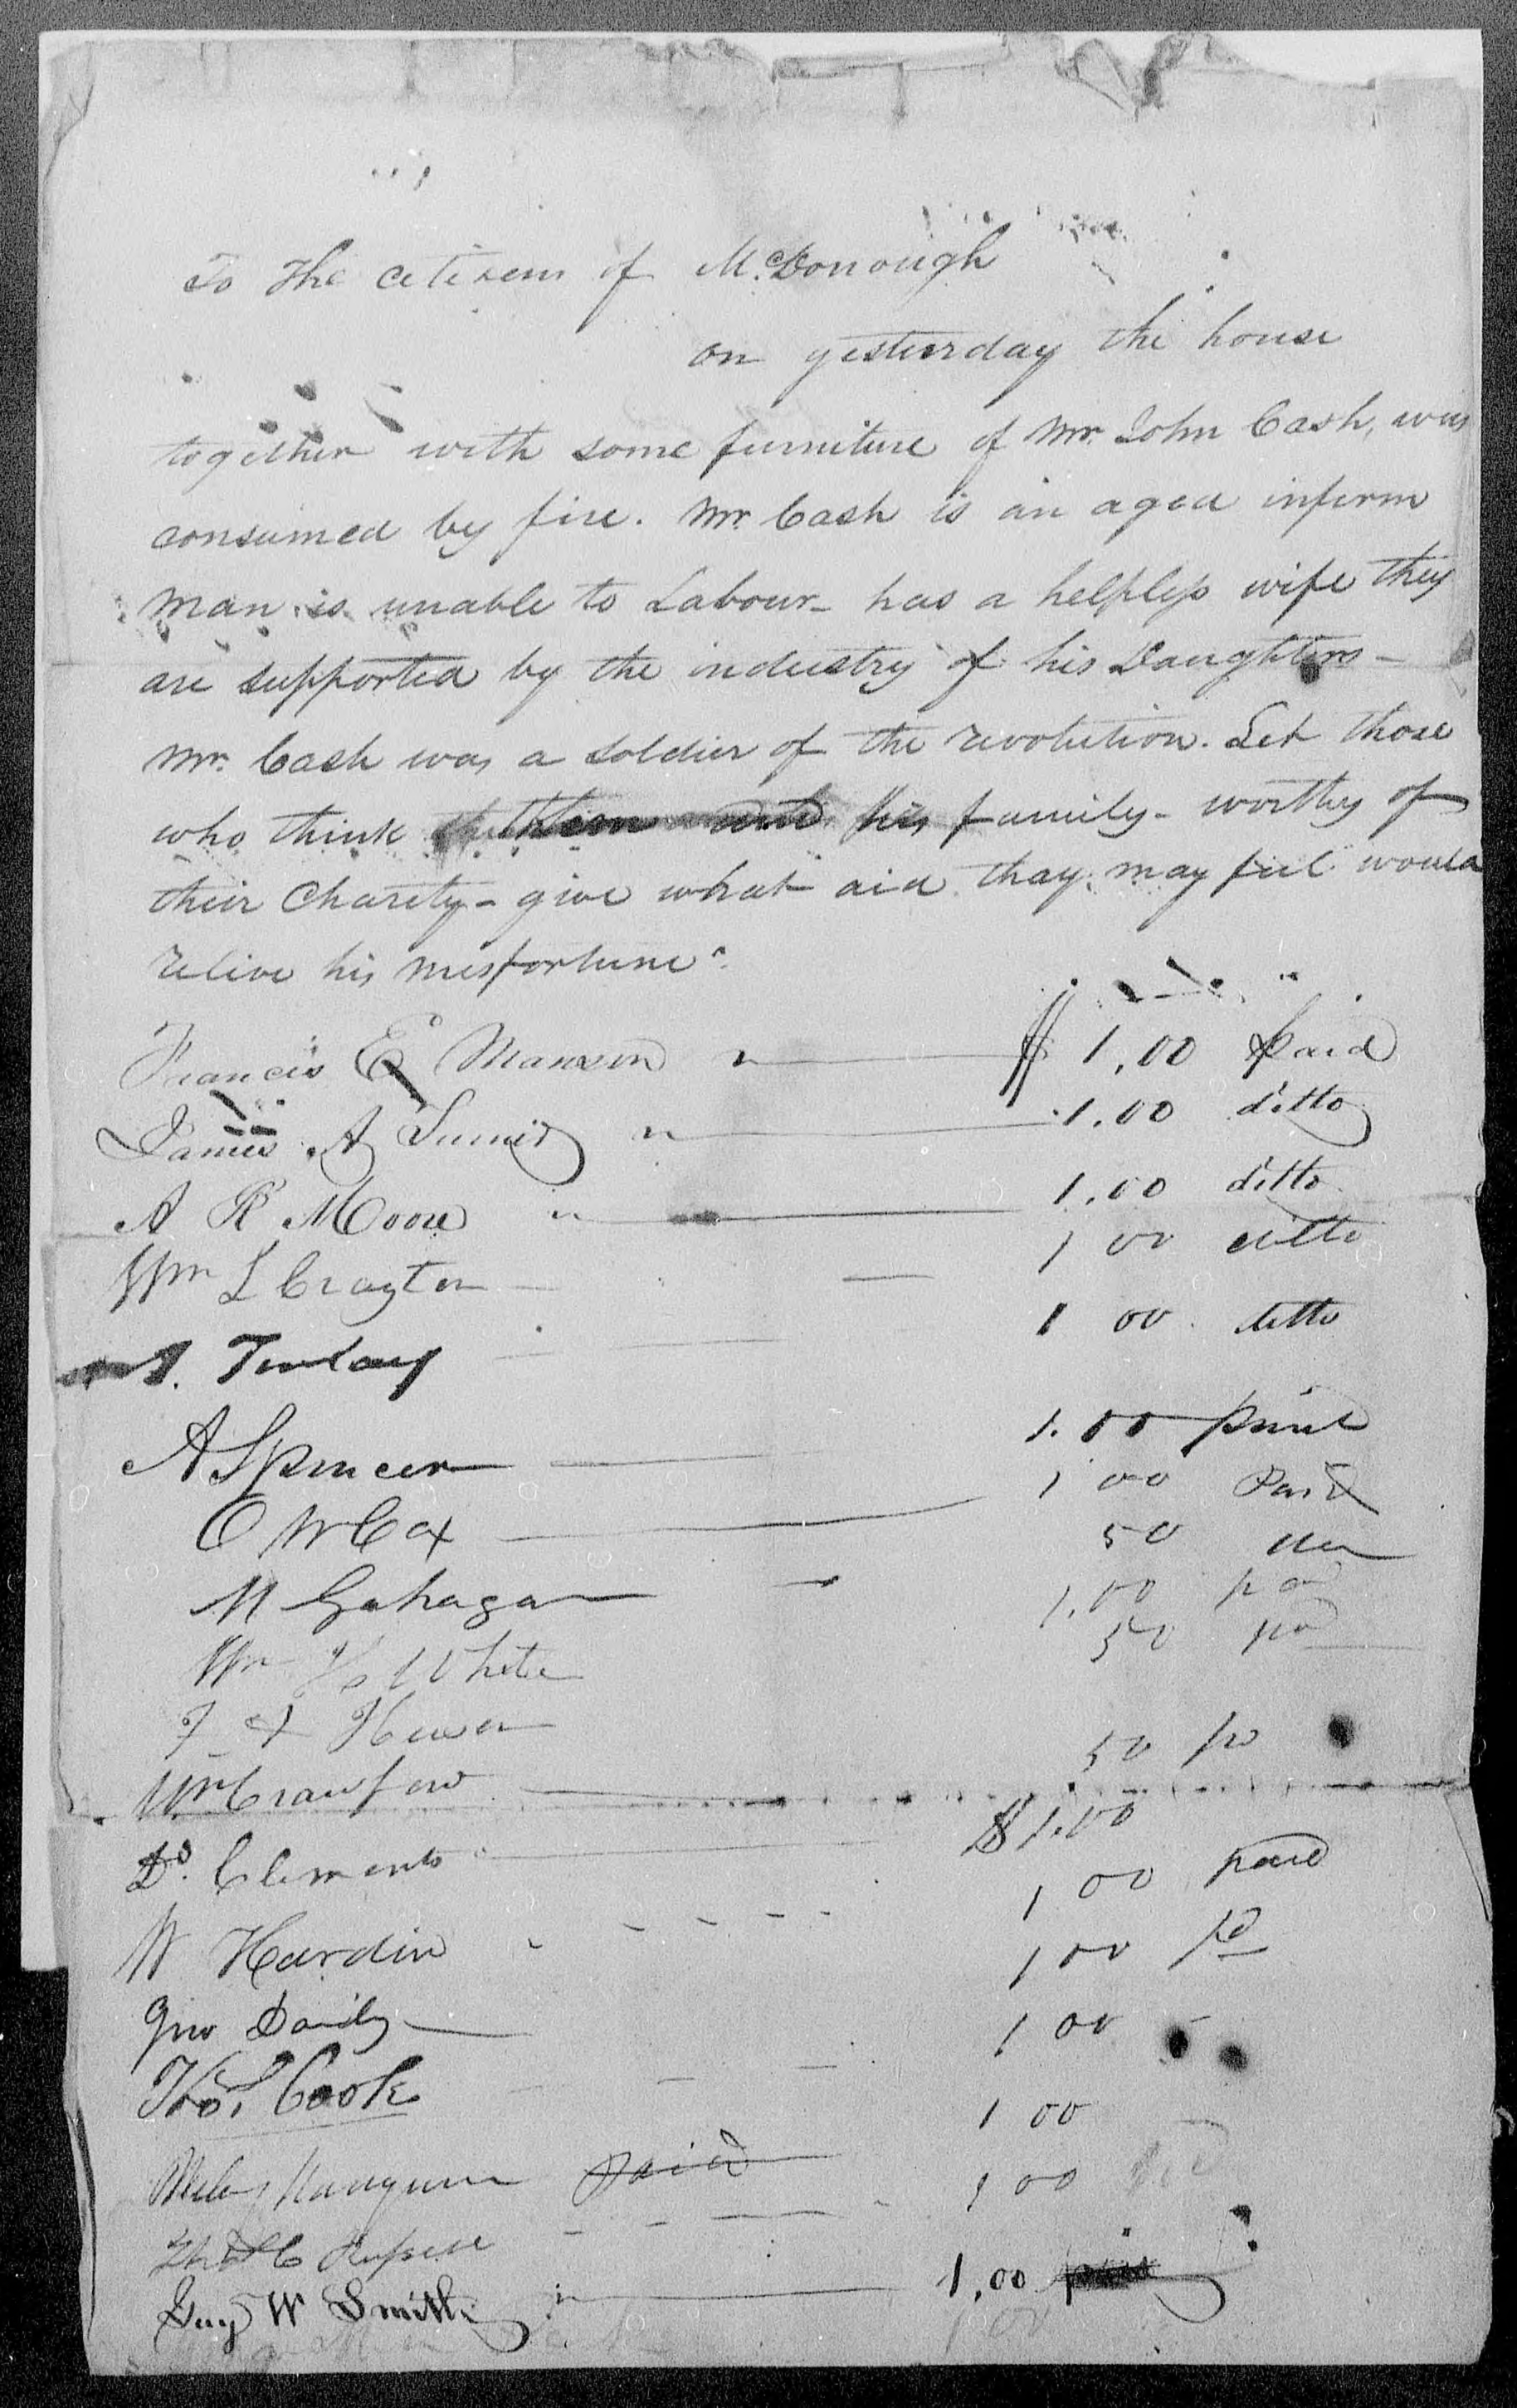To the citizens of McDonough
On yesterday the house together with some furniture of Mr John Cash, was consumed by fire. Mr Cash is an aged infirm man so unable to Labour - has a helpless wife, they are supported by the industry of his Daughters
Mr Cash was a soldier of the revolution. Let those who think his family-- worthy of their charity-- give what aid they may feel would
relive his misfortune.
A
Francis Manson                          $ 1.00 paid
James A Sumner                            1.00 paid
A R Moore                                     1.00  "
Wm L Crayton                               1.00 "
A. Tracy                                         1.00  "
A Spencer                                     1.00  "
E W Cox                                           .50  "
M Gahagan                                    1.00  "
Wm J White                                     .50
F A Henson                                      .50
Wm Crawford                                 1.00
D C Clements                                  1.00
W Hardin                                         1.00
Jno Danily                                        1.00
Thomas Cook                                   1.00
Wiley Manguin                                 1.00
Thos Russell
Guy W Smith                                    1.00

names: A Spincer, A R Moore, F A Henson, Wm L Crayton, Thos Cook, O W Cox, Thos C Russell, A Turlay, John Cash, W Hardin, James A Turner, Wm Clements, Wm H White, M Gahagan, Cash, Jno Danily, Guy W Smith, Cash, Wm Crawford, Francis E Manson, Wiley Mangum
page: 43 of 73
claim: widow's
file: W. 5,894, John Cash, Va.